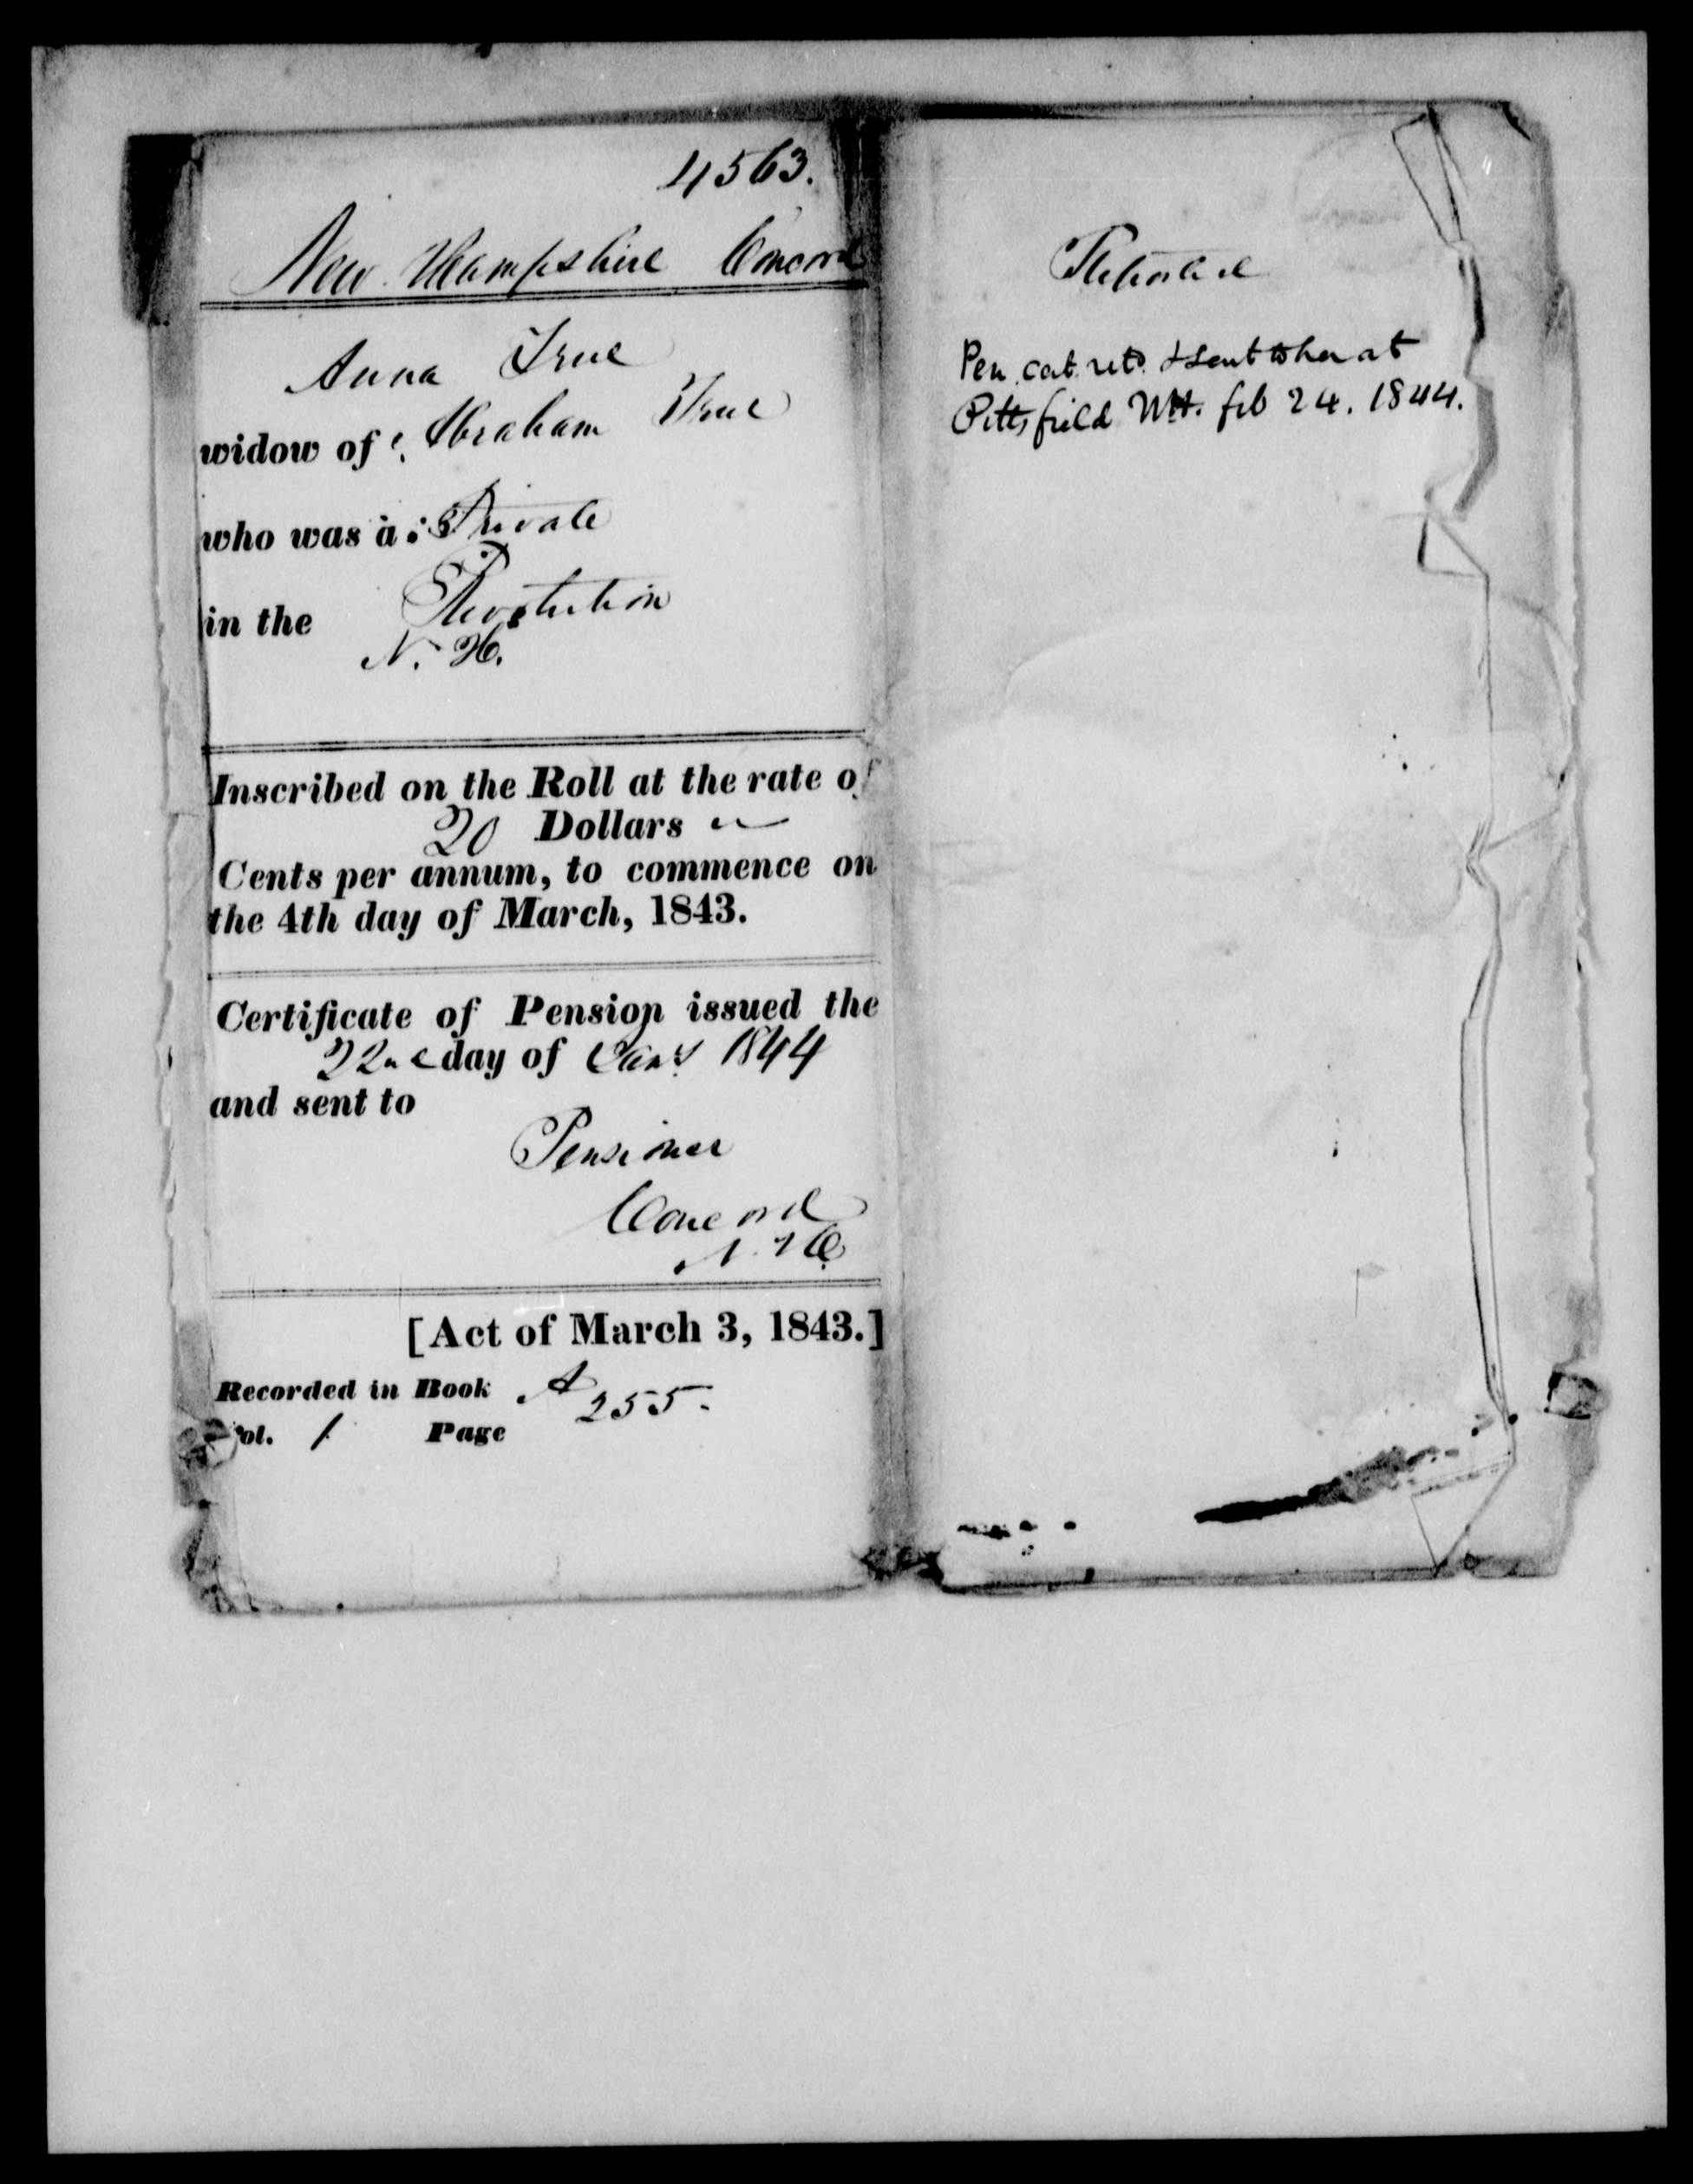11563
New Hampshire 6 mon
Anna True
widow of Abraham True
Who was a Private
in the Revolution N.H.
Inscribed on the roll at the rate of 
20 Dollars 
Cents per annum to commence on the 4th day of March 1843
Certificate of Pension issued the
11nd day of May 1844
and sent to Pensioner 
Act of March 3, 1843
Recorded in Book A 255

Pen. cat rate I sent
Pittsfield, NH Feb 24, 1844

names: Anna True, Abraham True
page: 2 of 24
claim: widow's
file: W. 16,451, Abraham True, N.H.